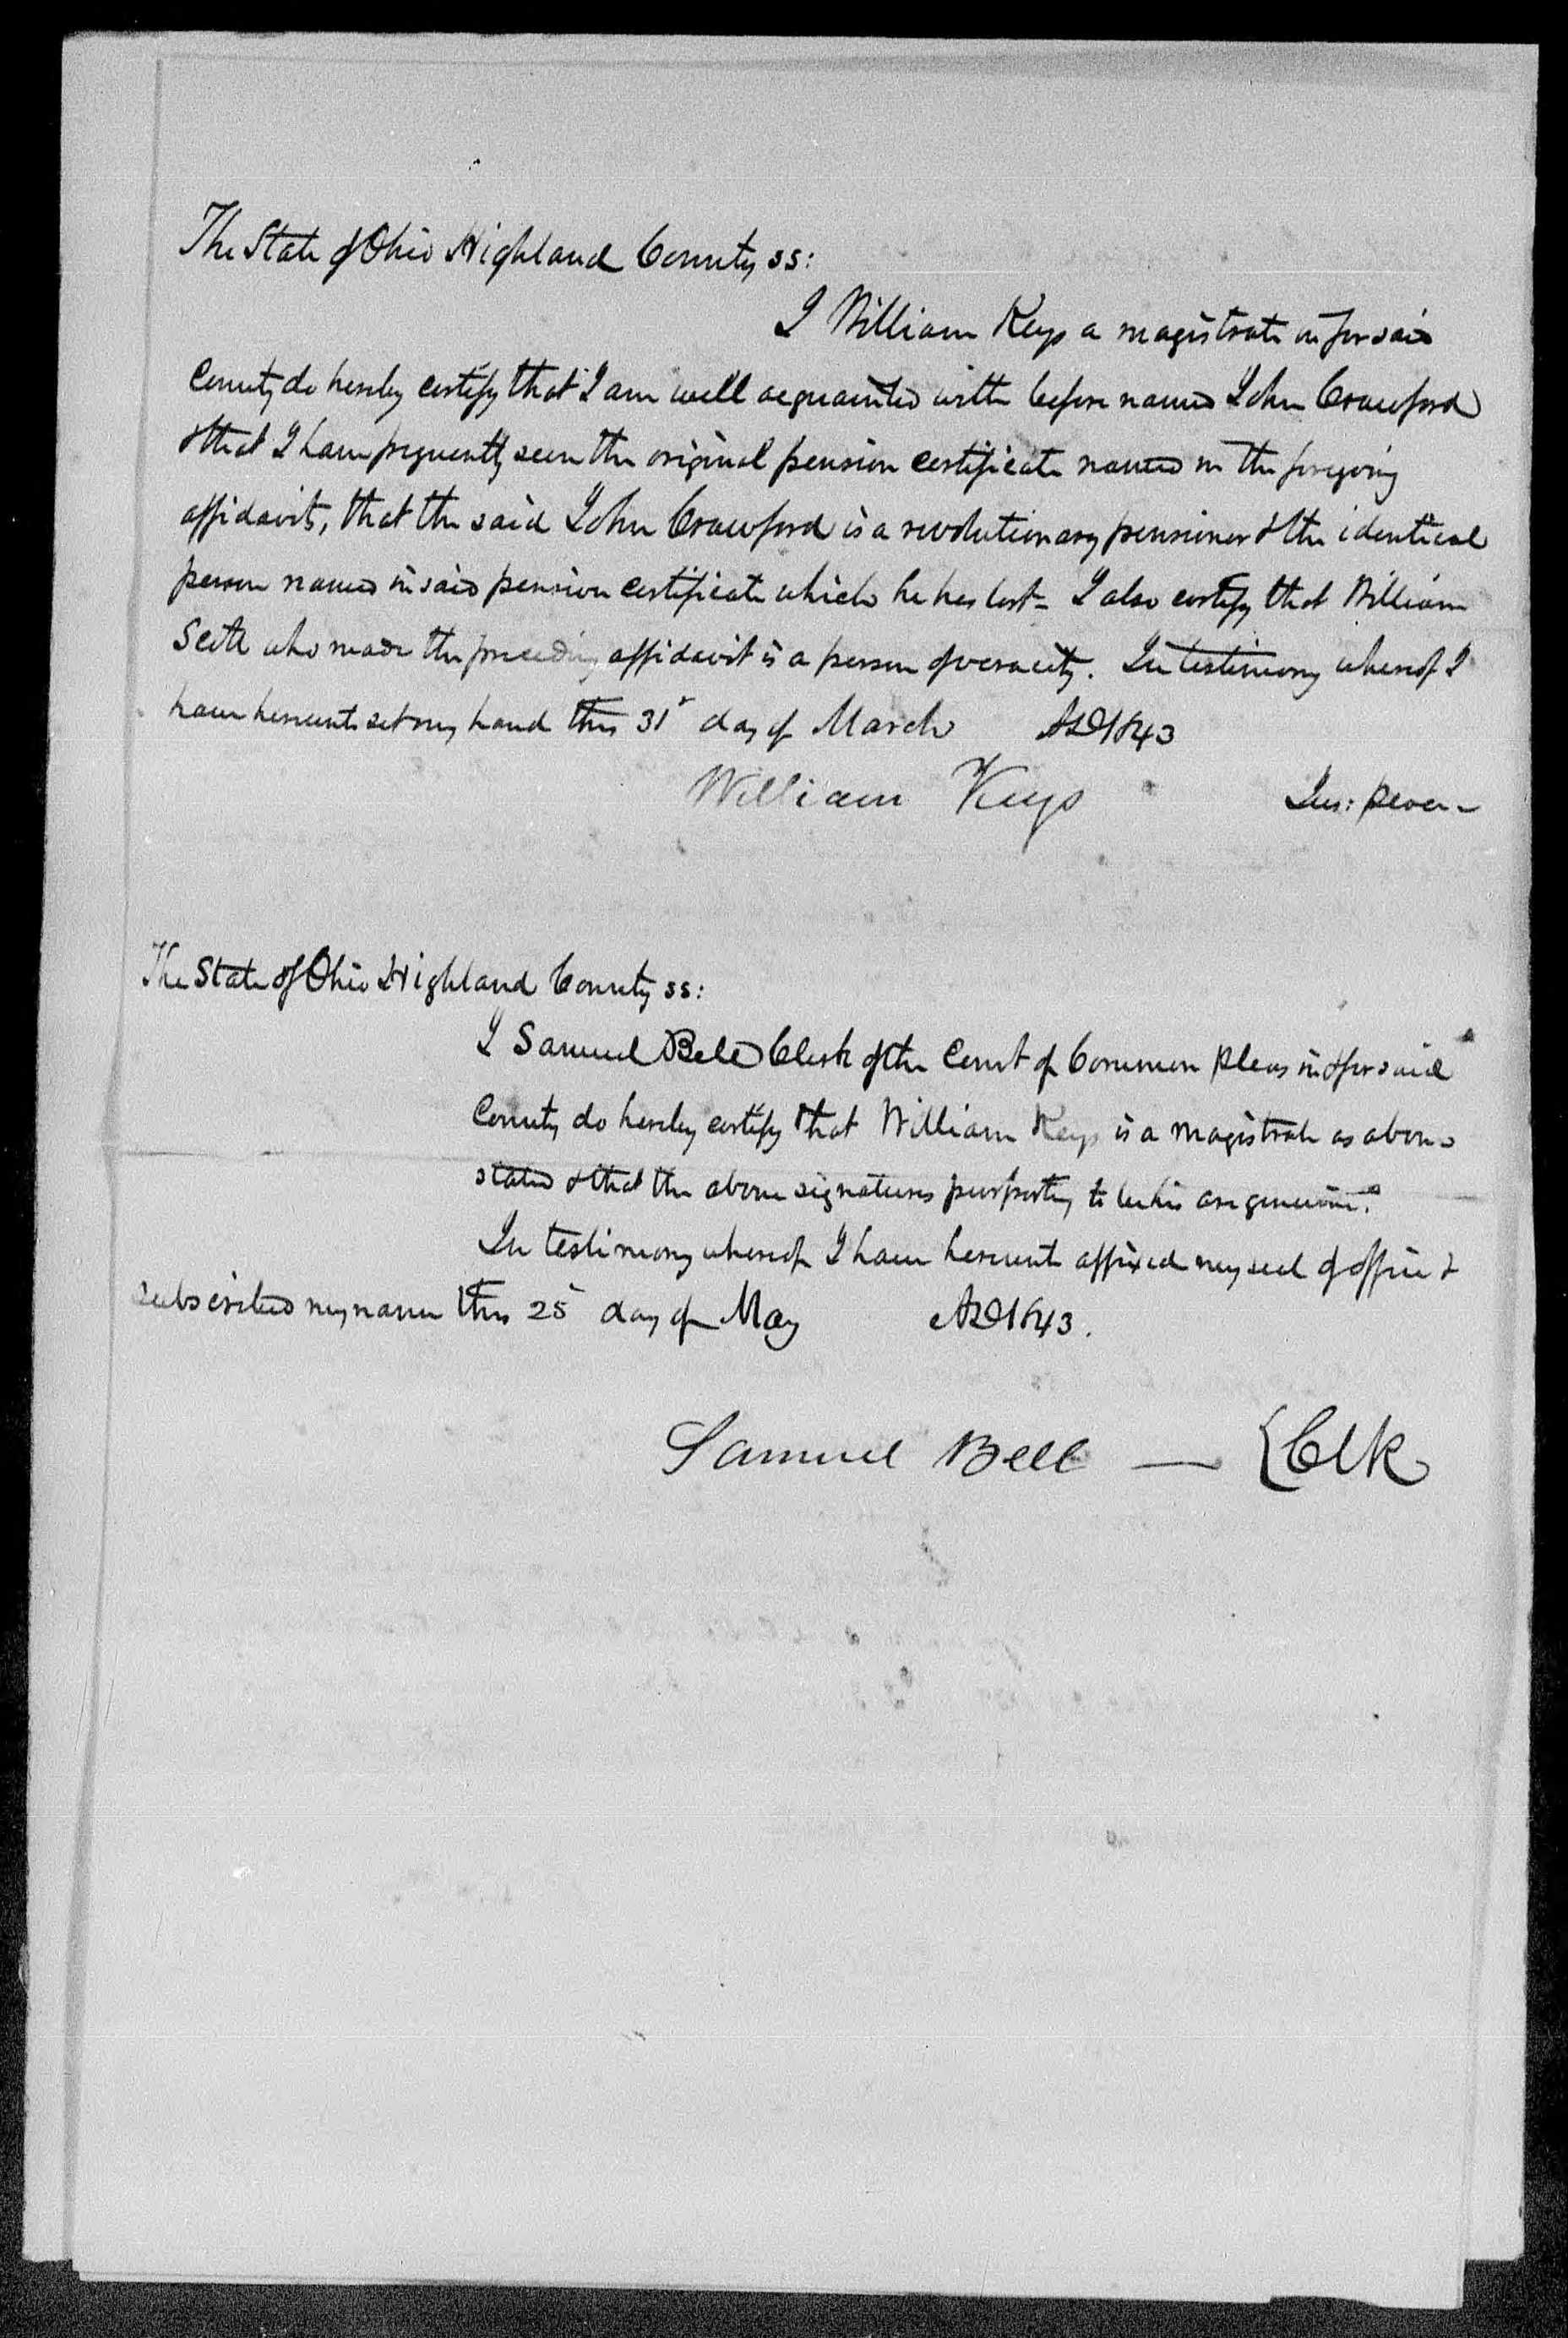The State of Ohio Highland County SS

I Williams Keys a magistrate in foresaid county do hereby certify that I am well acquainted with before named John Crawford & that I have frequently seen the original pension certificate named in the foregoing affidavit that the said John Crawford is a revolutionary pensioner & the identical person named in said pension certificate which he has lost. I also certify that William Scott who [illegible] the preceding affidavit is a person of veracity. In testimony when of have hereunto set my hand this 31st day of March AD 1843

William Keys Jus: Peace

The State of Ohio Highland County ss:

I Samuel Bell Clerk of the court of common please in the aforesaid county do hereby certify that William Keys is a magistrate as above stated the above signature purporting to his are genuine. In testimony whereof I have herewith affixed my seal of office & subscripted my name this 25 day of May AD 1843

Samuel Bell CLK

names: Samuel Bell, William Keys, William Scott, Samuel Bell, John Crawford, John Crawford, William Keys, William Keys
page: 21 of 80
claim: widow's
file: W 2070, John Crawford, Penn.